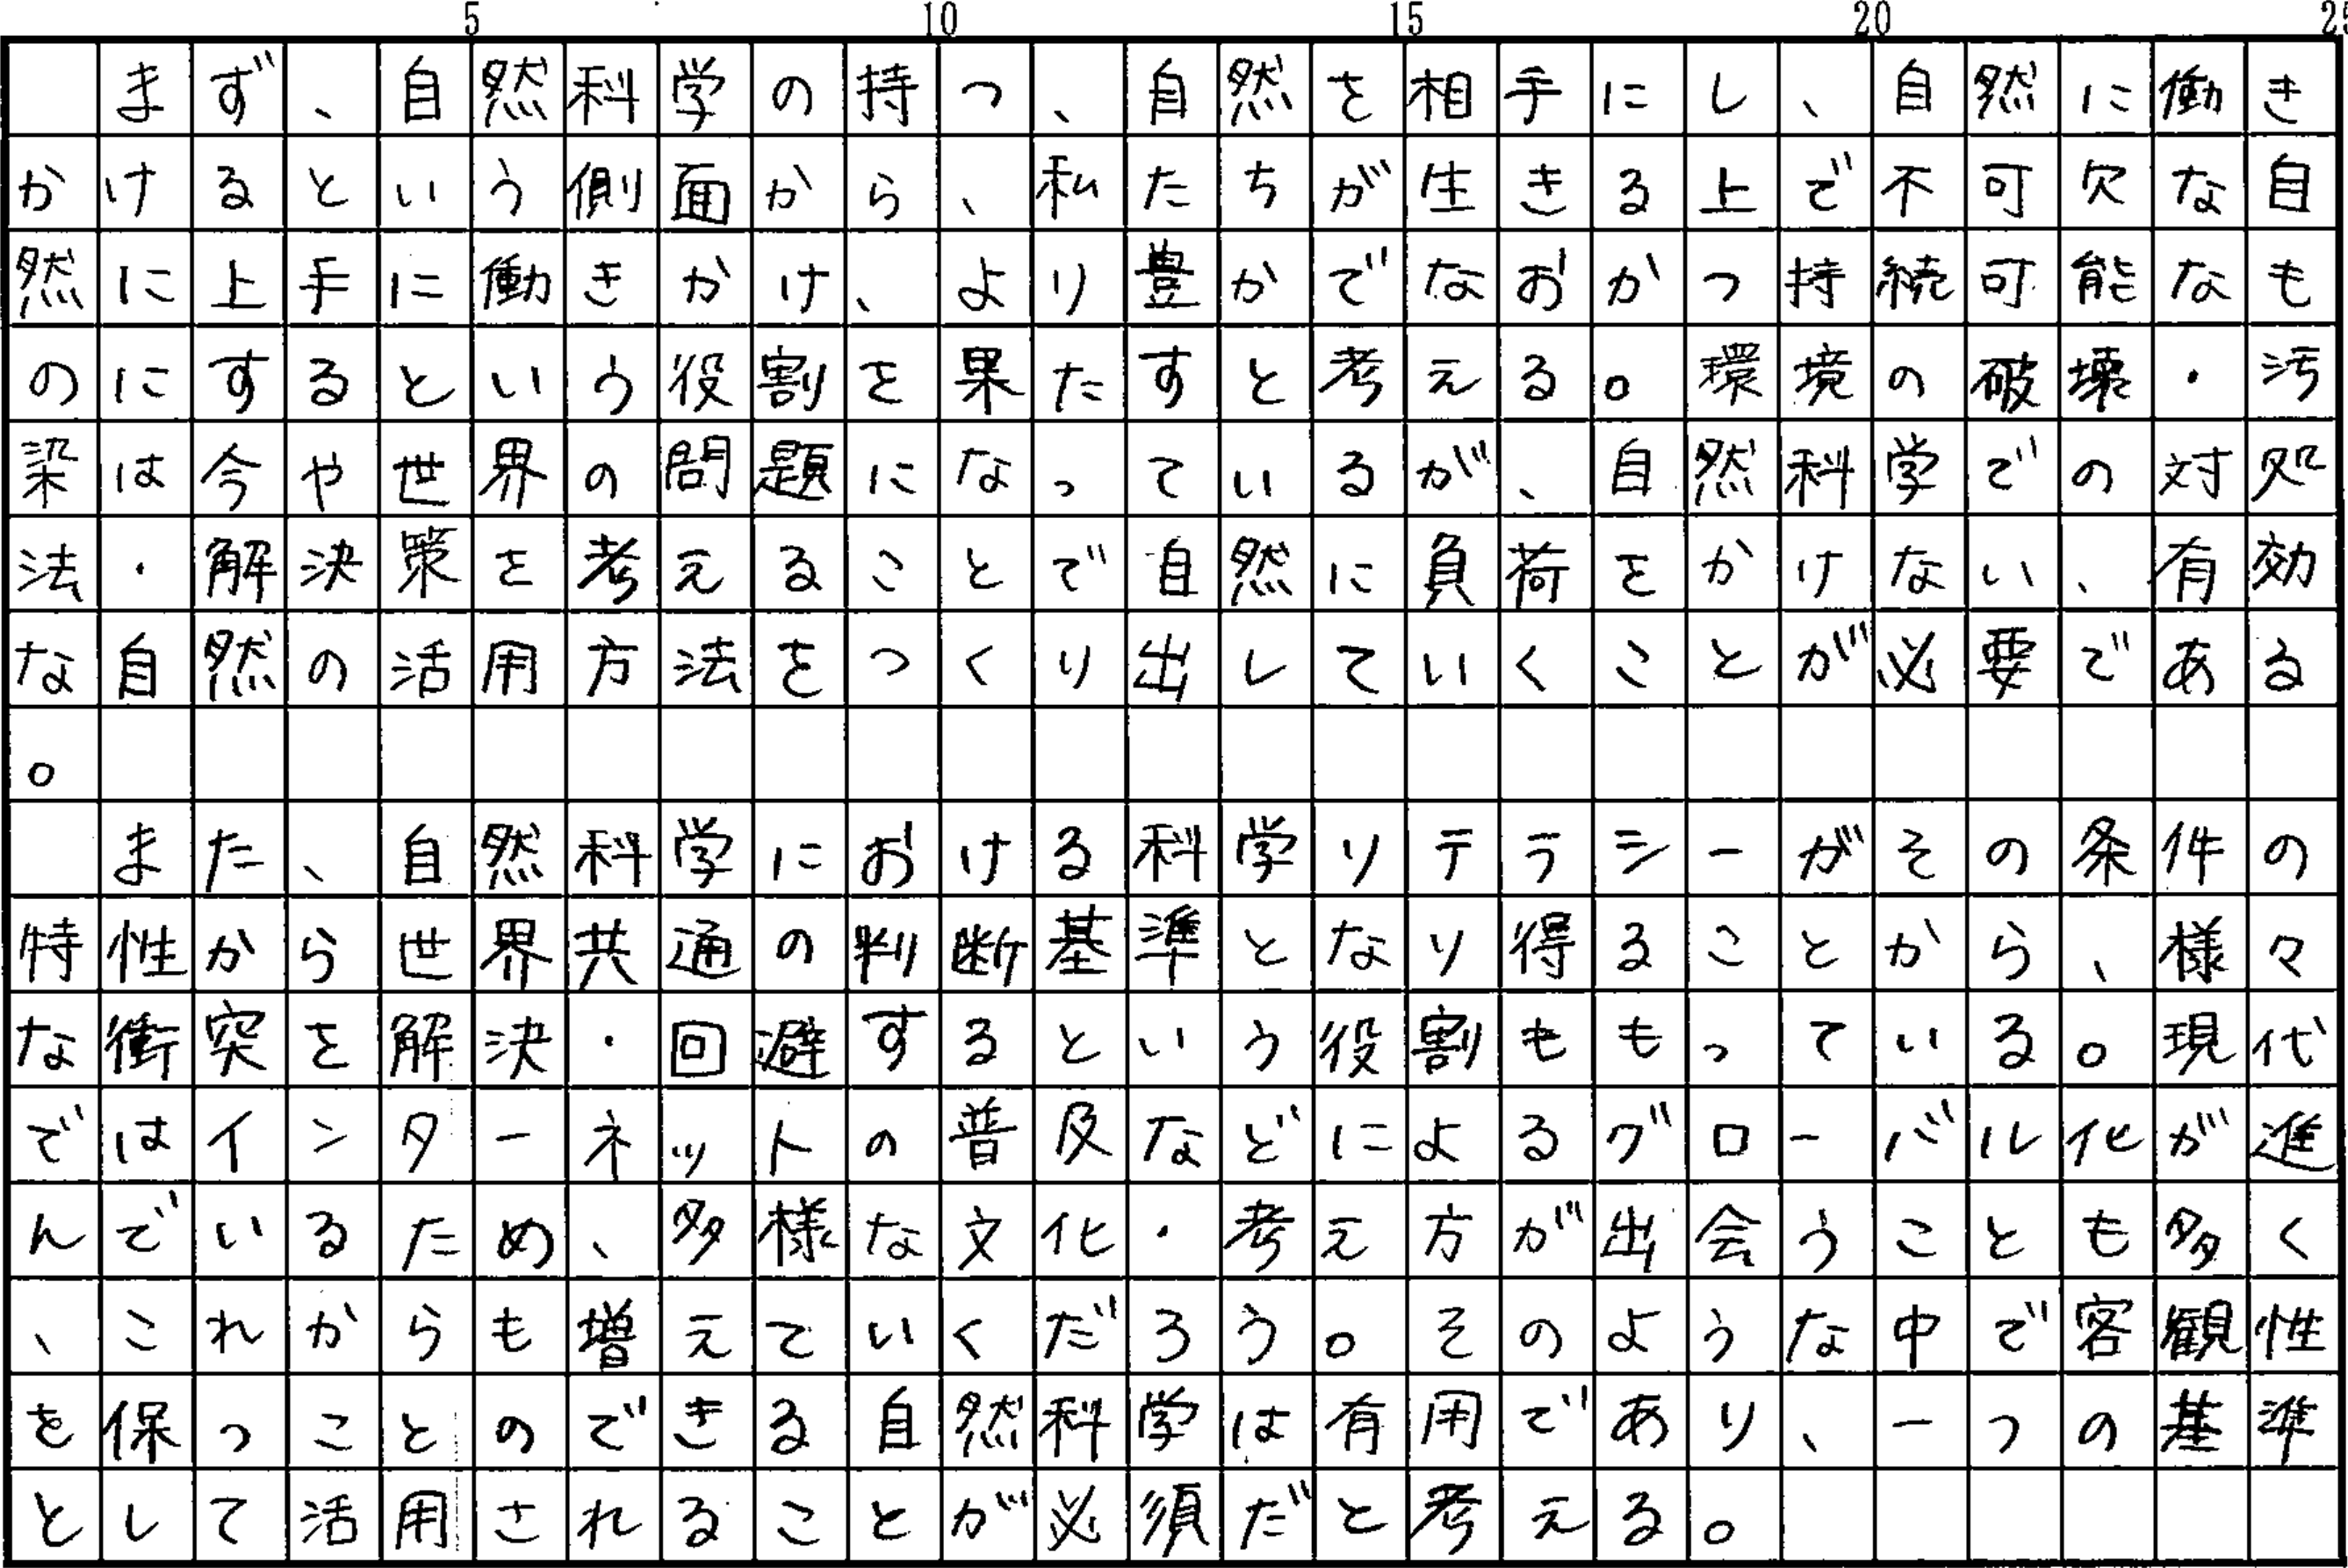　まず、自然科学の持つ、自然を相手にし、自然に働きかけるという側面から、私たちが生きる上で不可欠な自然に上手に働きかけ、より豊かでなおかつ持続可能なものにするという役割を果たすと考える。環境の破壊・汚染は今や世界の問題になっているが、自然科学での対処法・解決策を考えることで自然に負荷をかけない、有効な自然の活用方法をつくり出していくことが必要である。
　また、自然科学における科学リテラシーがその条件の特性から世界共通の判断基準となり得ることから、様々な衝突を解決・回避するという役割ももっている。現代ではインターネットの普及などによるグローバル化が進んでいるため、多様な文化・考え方が出会うことも多く、これからも増えていくだろう。そのような中で客観性を保つことのできる自然科学は有用であり、一つの基準として活用されることが必須だと考える。
